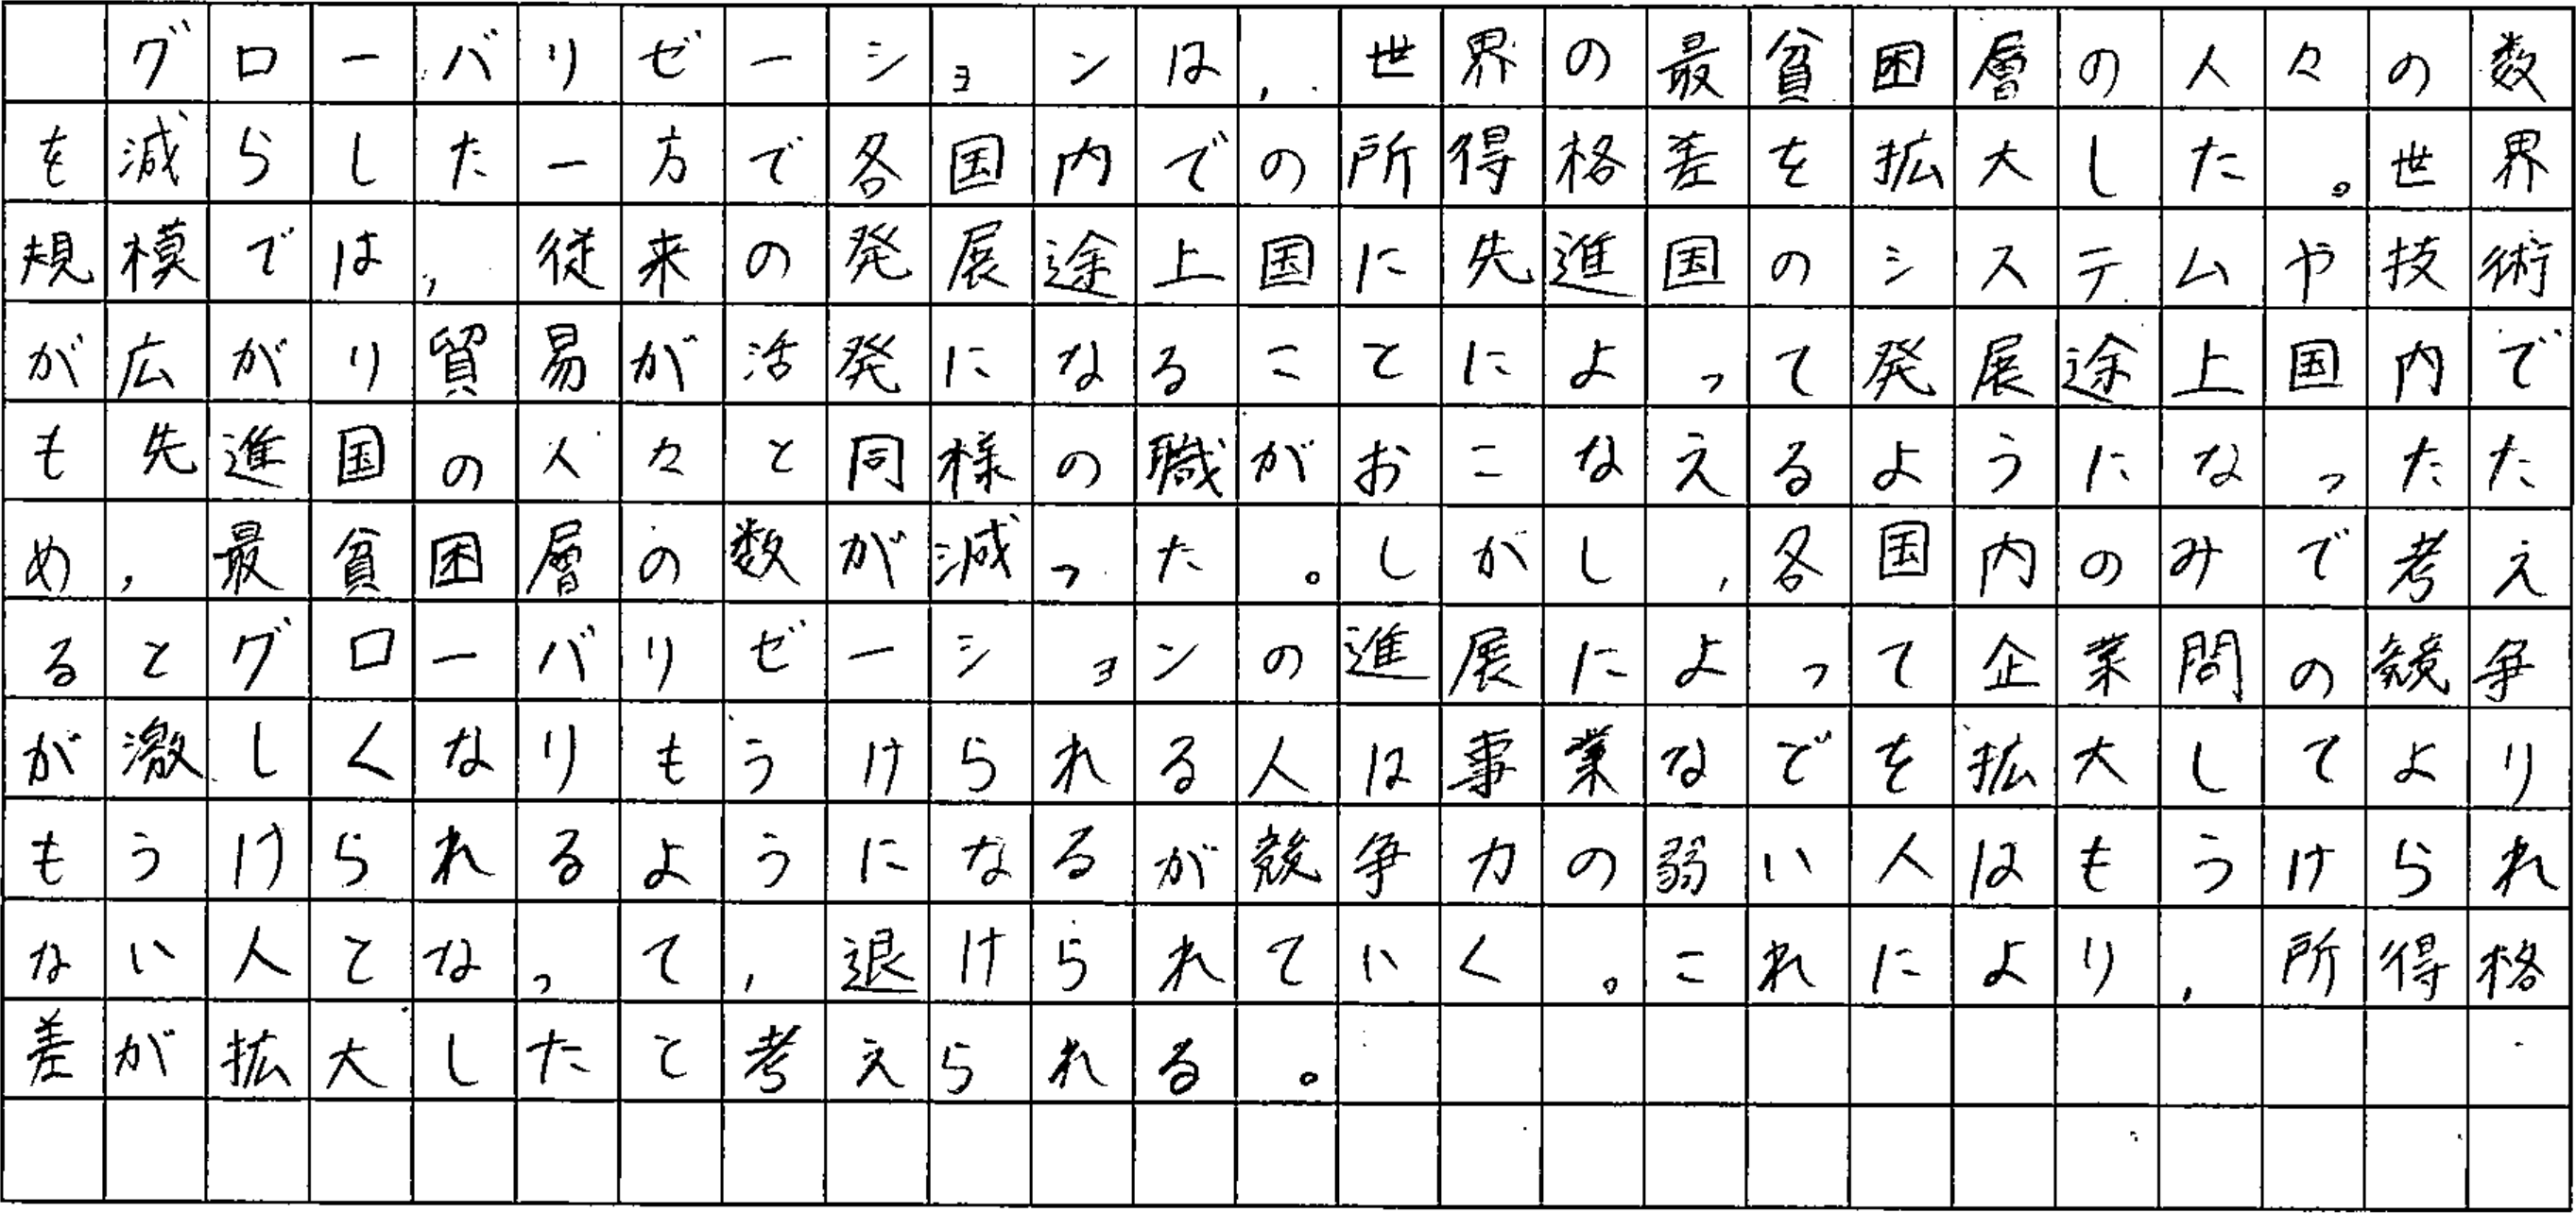　グローバリゼーションは、世界の最貧困層の人々の数を減らした一方で各国内での所得格差を拡大した。世界規模では、従来の発展途上国に先進国のシステムや技術が広がり貿易が活発になることによって発展途上国内でも先進国の人々と同様の職がおこなえるようになったため、最貧困層の数が減った。しかし、各国内のみで考えるとグローバリゼーションの進展によって企業間の競争が激しくなりもうけられる人は事業などを拡大してよりもうけられるようになるが競争力の弱い人はもうけられない人となって、退けられていく。これにより、所得格差が拡大したと考えられる。
